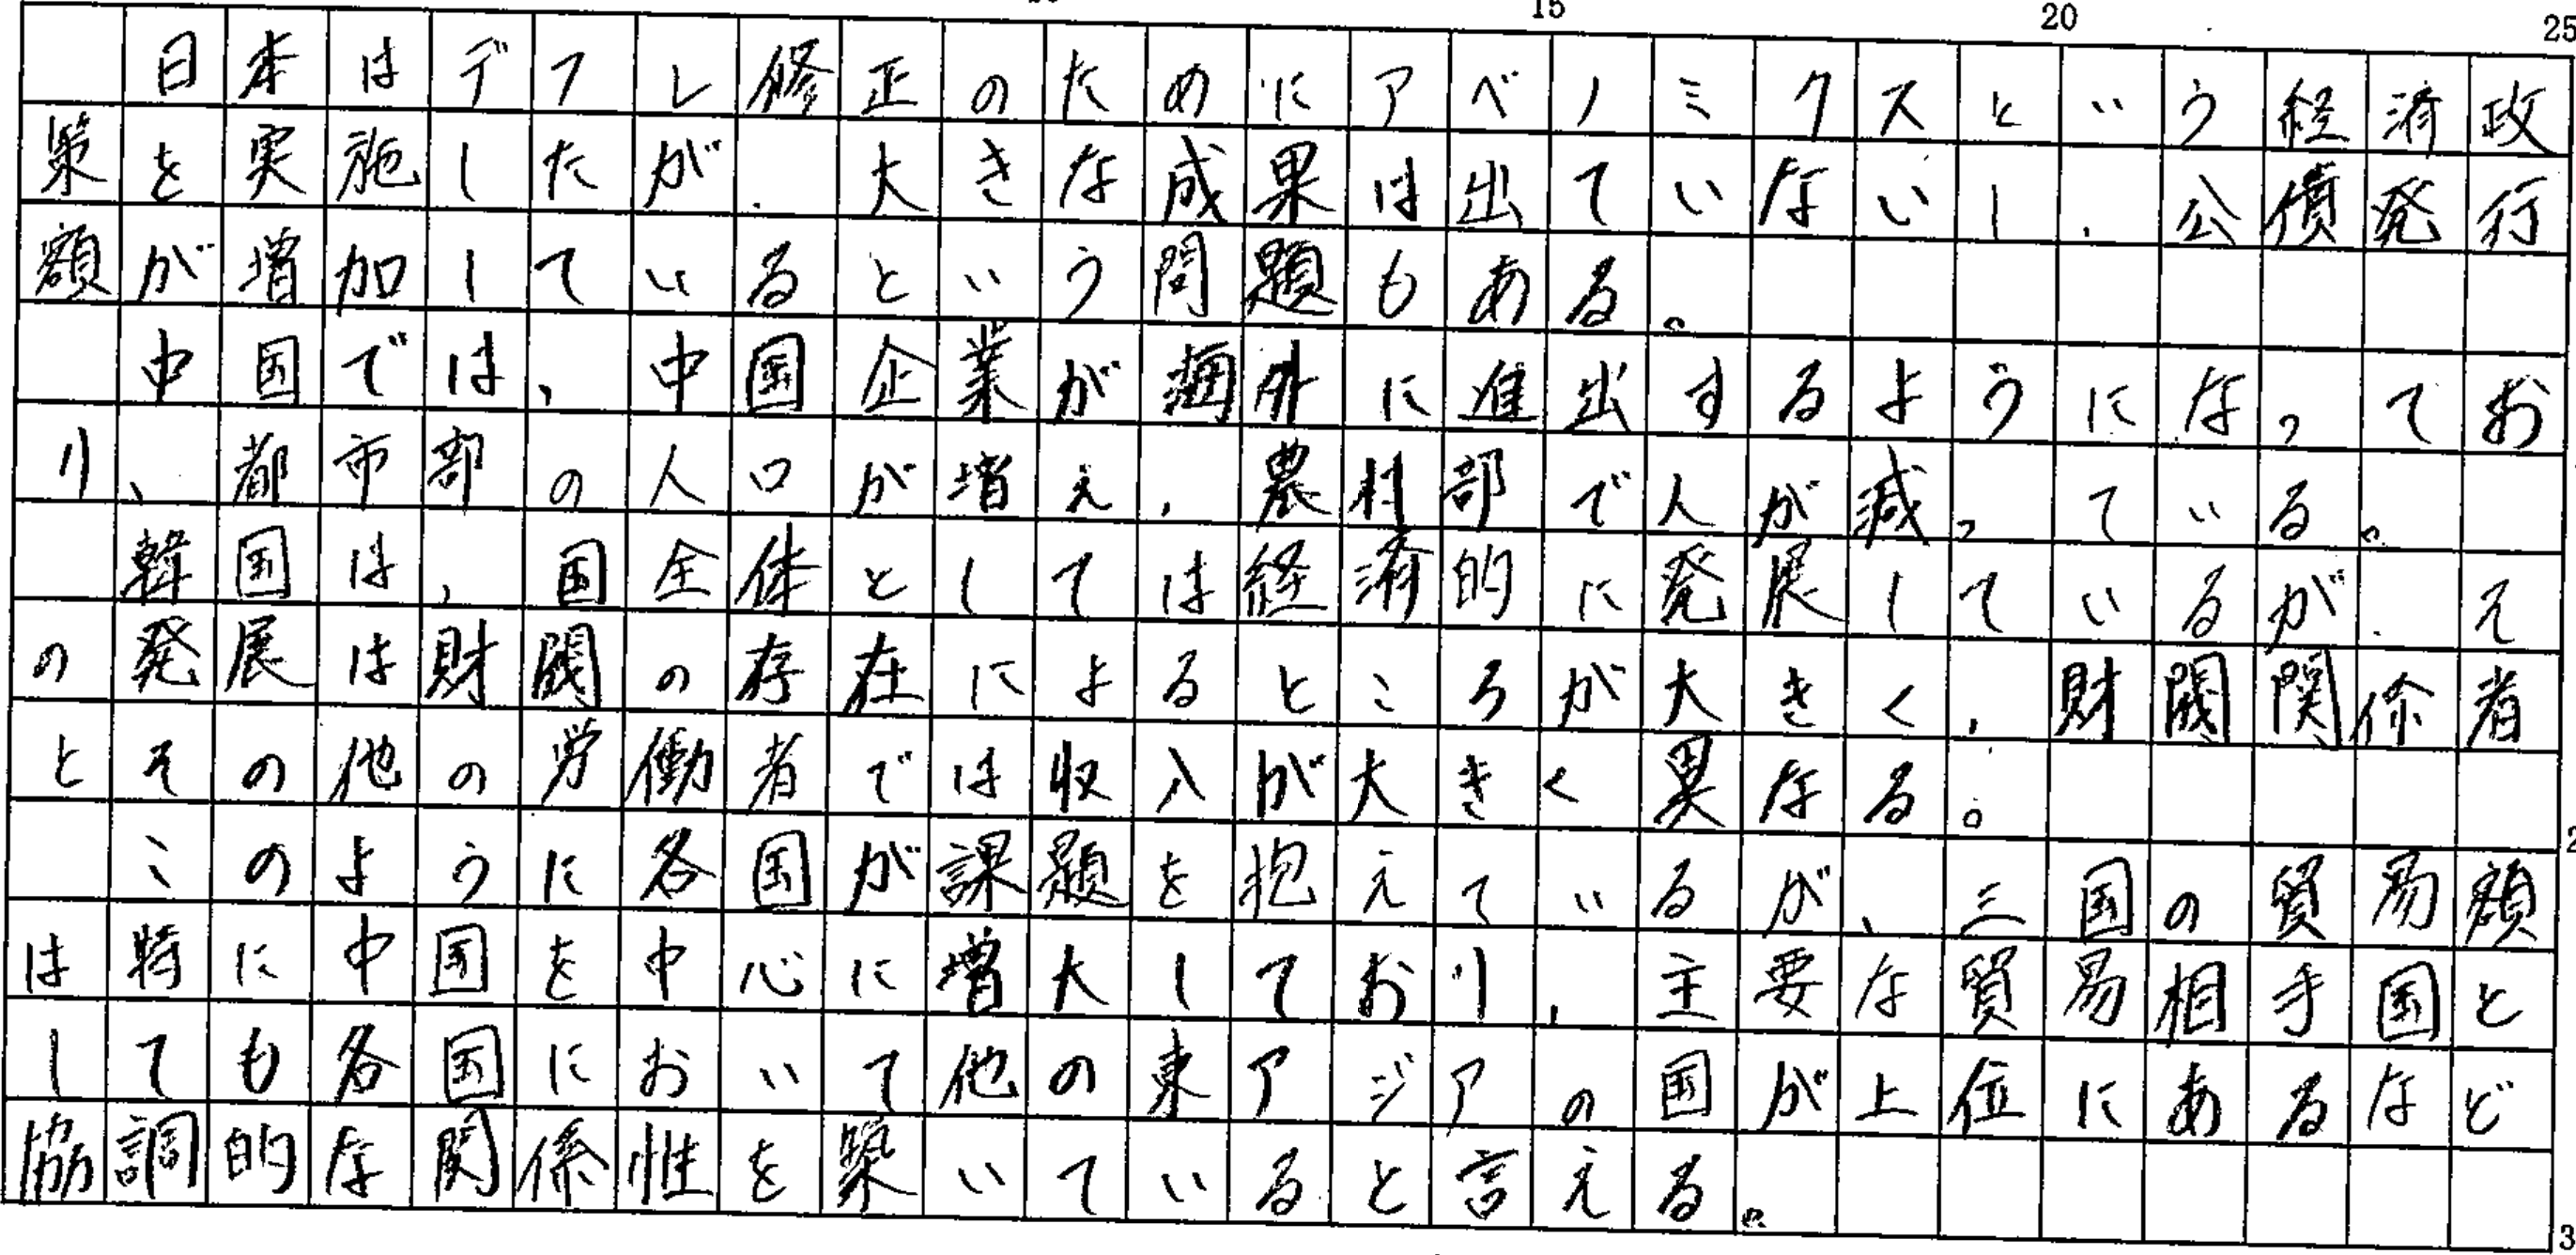　日本はデフレ修正のためにアベノミクスという経済政策を実施したが、大きな成果は出ていないし、公債発行額が増加しているという問題もある。
　中国では，中国企業が海外に進出するようになっており、都市部の人口が増え，農村部で人が減っている。
　韓国は，国全体としては経済的に発展しているが、その発展は財閥の存在によるところが大きく，財閥関係者とその他の労働者では収入が大きく異なる。
　このように各国が課題を抱えているが、三国の貿易額は特に中国を中心に増大しており，主要な貿易相手国としても各国において他の東アジアの国が上位にあるなど協調的な関係性を築いていると言える。
